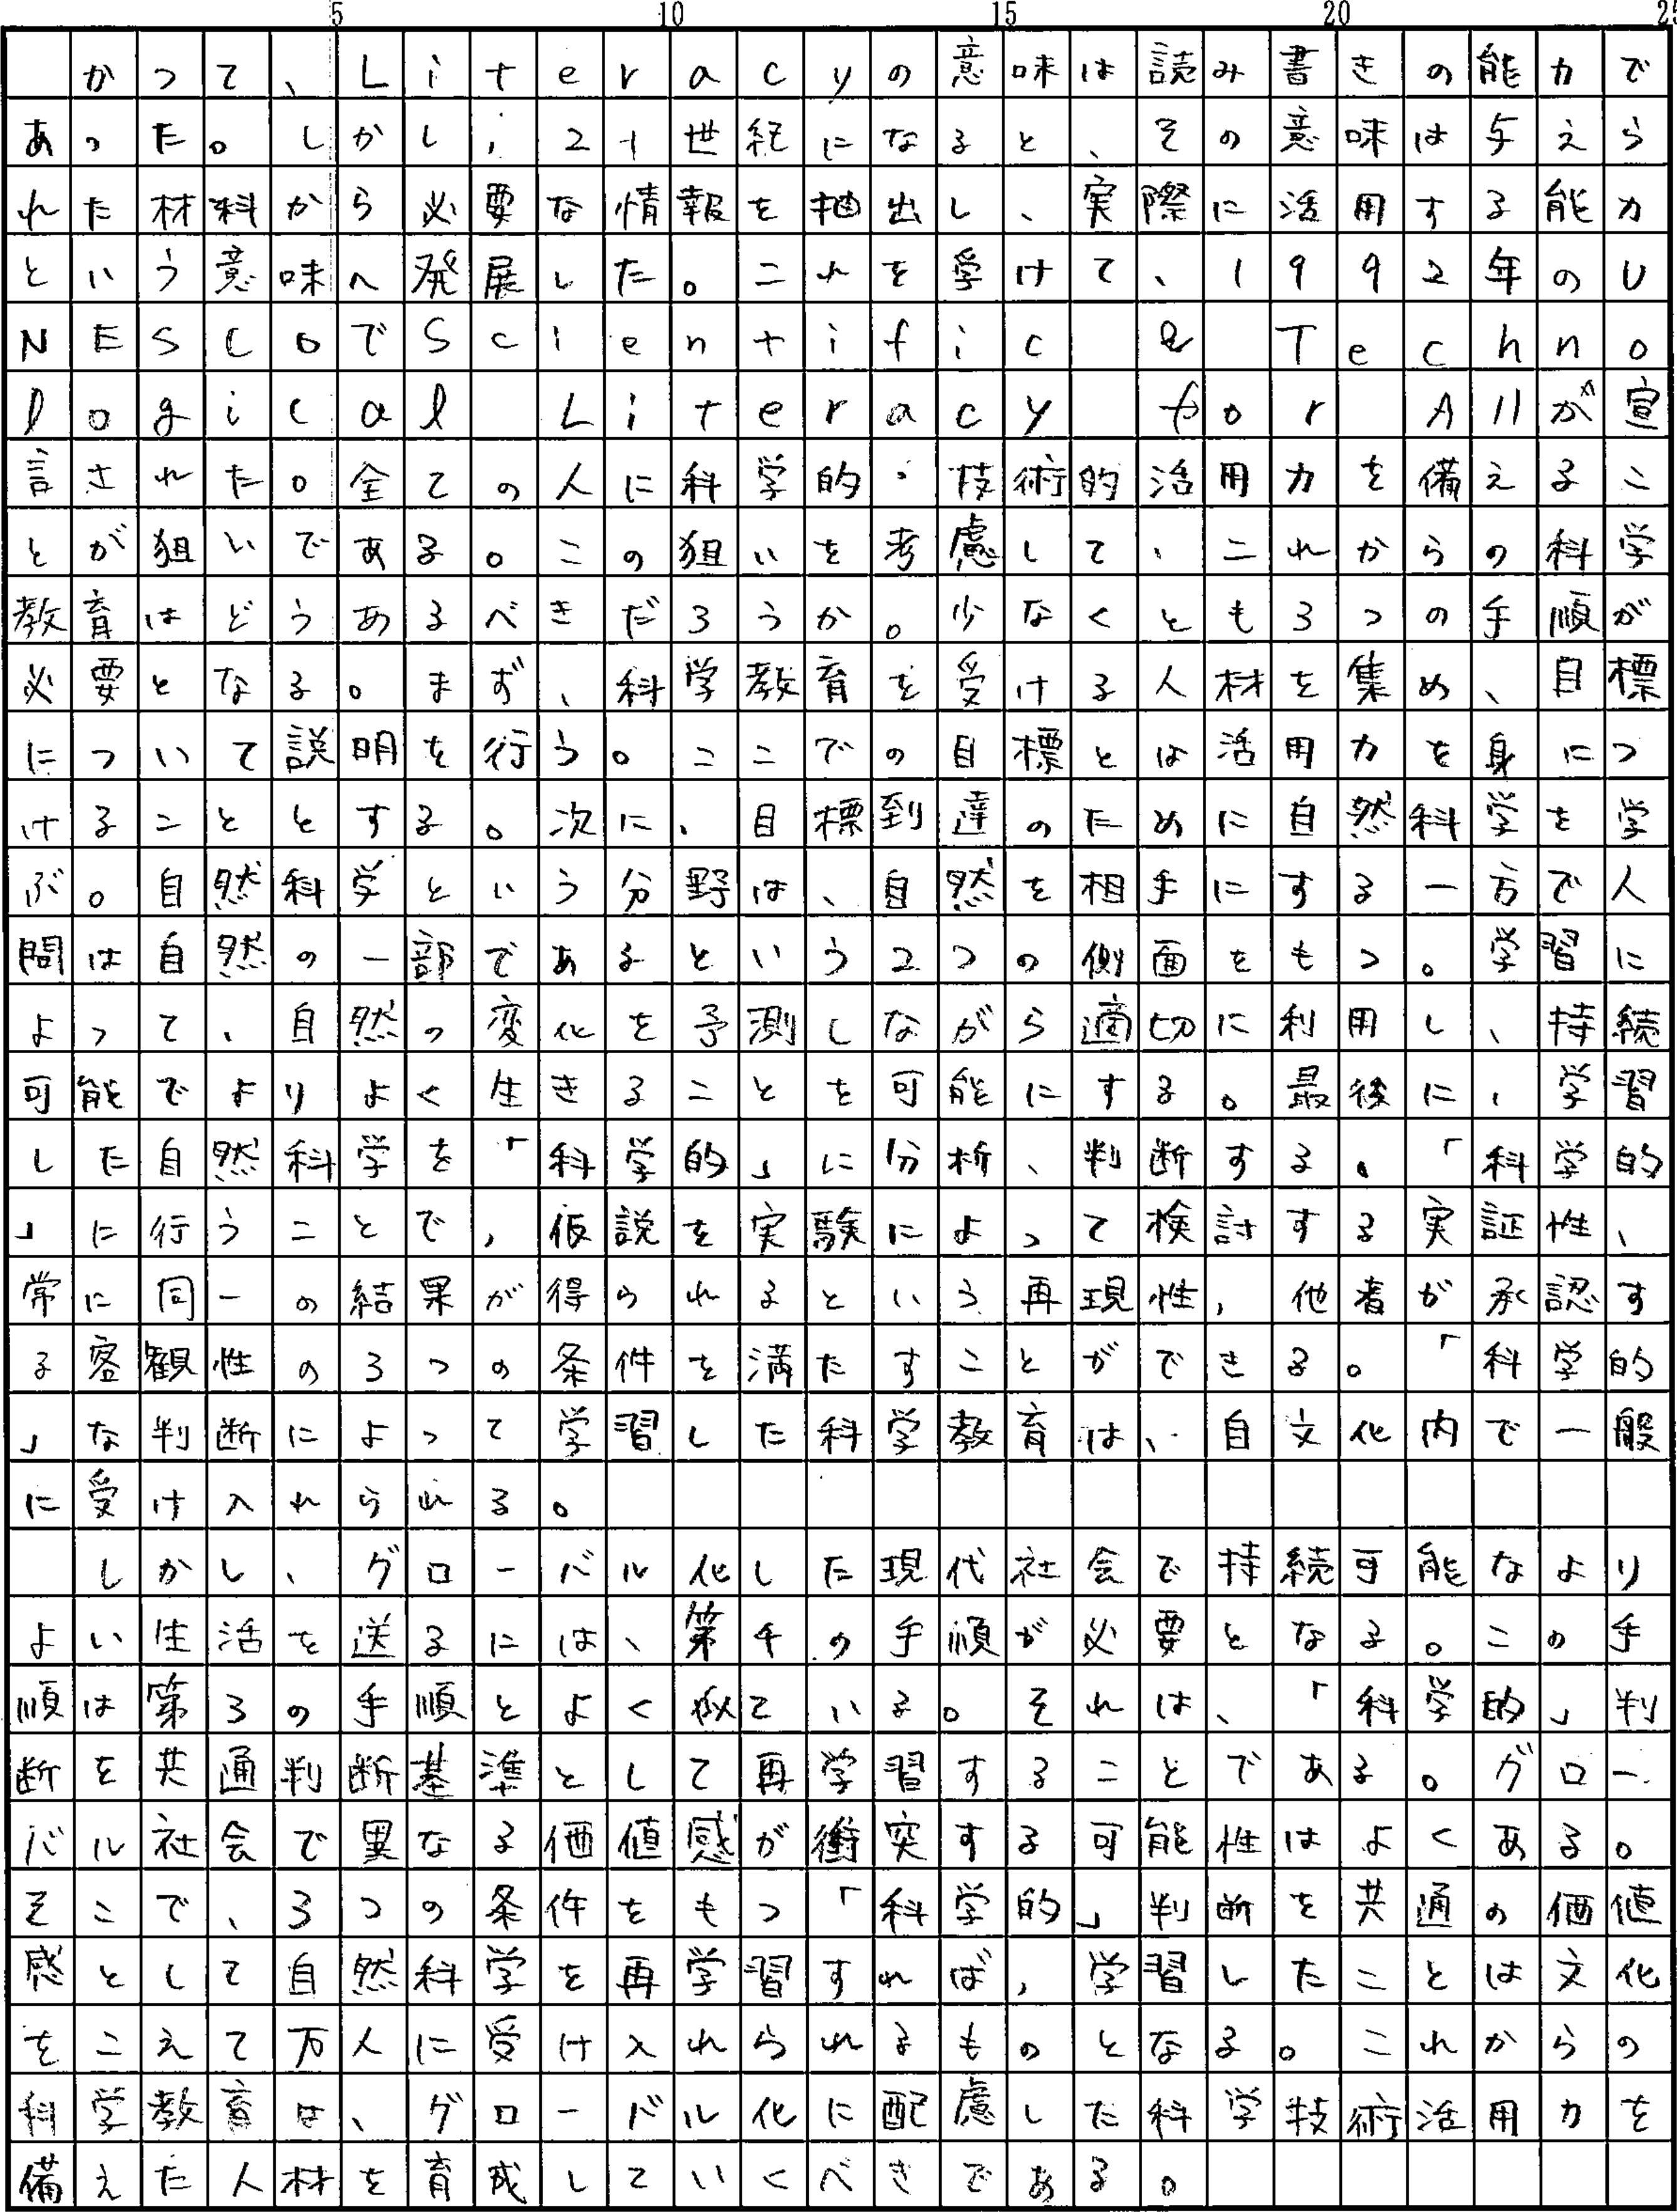　かつて、Ｌｉｔｅｒａｃｙの意味は読み書きの能力であった。しかし、２１世紀になると、その意味は与えられた材料から必要な情報を抽出し、実際に活用する能力という意味へ発展した。これを▁けて、１９９２年のＵＮＥＳＣＯでＳｃｉｅｎｔｉｆｉｃ　＆　Ｔｅｃｈｎｏｌｏｇｉｃａｌ　Ｌｉｔｅｒａｃｙ　ｆｏｒ　Ａllが宣言された。全ての人に科学的・技術的活用力を備えることが狙いである。この狙いを考慮して、これからの科学教育はどうあるべきだろうか。少なくとも３つの手順が必要となる。まず、科学教育を受ける人材を集め、目標について説明を行う。ここでの目標とは活用力を身につけることとする。次に、目標到達のために自然科学を学ぶ。自然科学という分野は、自然を相手にする一方で人間は自然の一部であるという２つの側面をもつ。学習によって、自然の変化を予測しながら適切に利用し、持続可能でよりよく生きることを可能にする。最後に、学習した自然科学を「科学的」に分析、判断する。「科学的」に行うことで、仮説を実験によって検討する実証性、常に同一の結果が得られるという再現性、他者が承認する客観性の３つの条件を満たすことができる。「科学的」な判断によって学習した科学教育は、自文化内で一般に受け入れられる。
　しかし、グローバル化した現代社会で持続可能なよりよい生活を送るには、第４の手順が必要となる。この手順は第３の手順とよく似ている。それは、「科学的」判断を共通判断基準として再学習することである。グローバル社会で異なる価値感が衝突する可能性はよくある。そこで、３つの条件をもつ「科学的」判断を共通の価値感として自然科学を再学習すれば、学習したことは文化をこえて万人に受け入れられるものとなる。これからの科学教育は、グローバル化に配慮した科学技術活用力を備えた人材を育成していくべきである。
